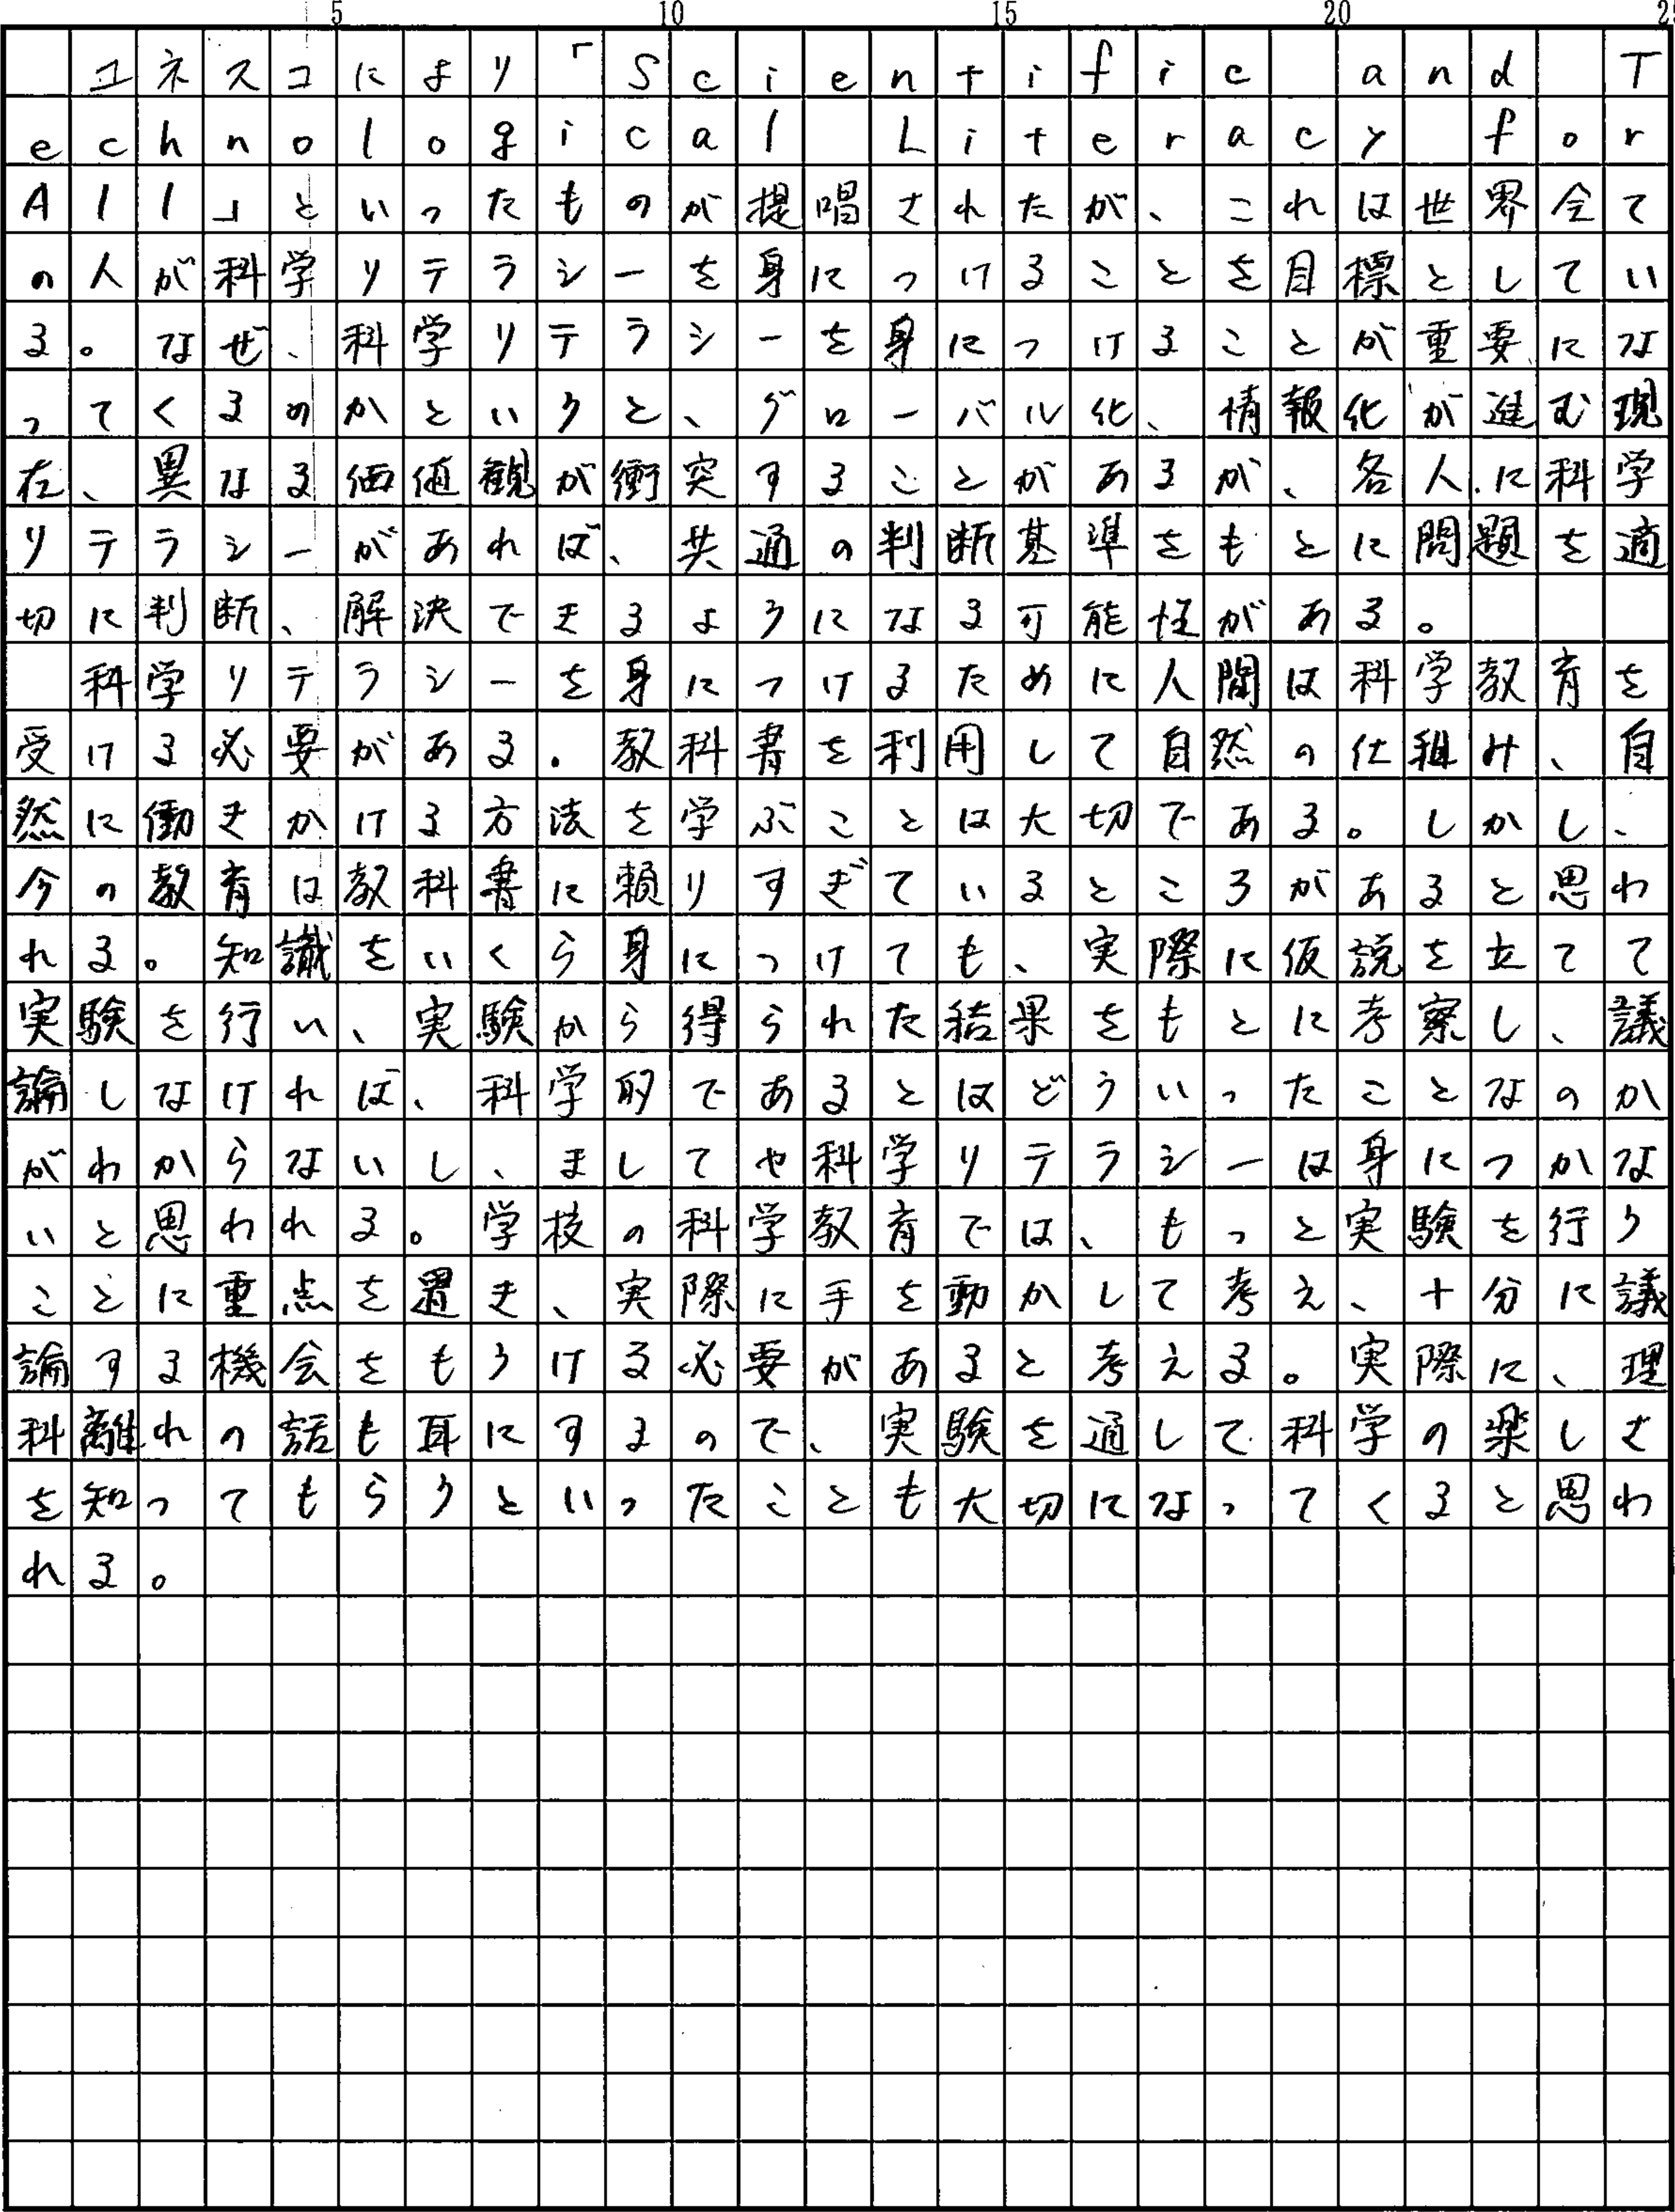　ユネスコにより「Ｓｃｉｅｎｔｉｆｉｃ　ａｎｄ　Ｔｅｃｈｎｏｌｏｇｉｃａｌ　Ｌｉｔｅｒａｃｙ　ｆｏｒＡｌｌ」といったものが提唱されたが、これは世界全ての人が科学リテラシーを身につけることを目標としている。なぜ、科学リテラシーを身につけることが重要になってくるのかというと、グローバル化、情報化が進む現在、異なる価値観が衝突することがあるが、各人に科学リテラシーがあれば、共通の判断技術をもとに問題を適切に判断、解決できるようになる可能性がある。
　科学リテラシーを身につけるために人間は科学教育を受ける必要がある。教科書を利用して自然の仕組み、自然に働きかける方法を学ぶことは大切である。しかし、今の教育は教科書に頼りすぎているところがあると思われる。知識をいくら身につけても、実際に仮説を立てて実験を行い、実験から得られた結果をもとに考察し、議論しなければ、科学的であるとはどういったことなのかがわからないし、ましてや科学リテラシーは身につかないと思われる。学校の科学教育では、もっと実験を行うことに重点を置き、実際に手を動かして考え、十分に議論する機会をもうける必要があると考える。実際に、理科離れの話も耳にするので、実験を通して科学の楽しさを知ってもらうといったことも大切になってくると思われる。
